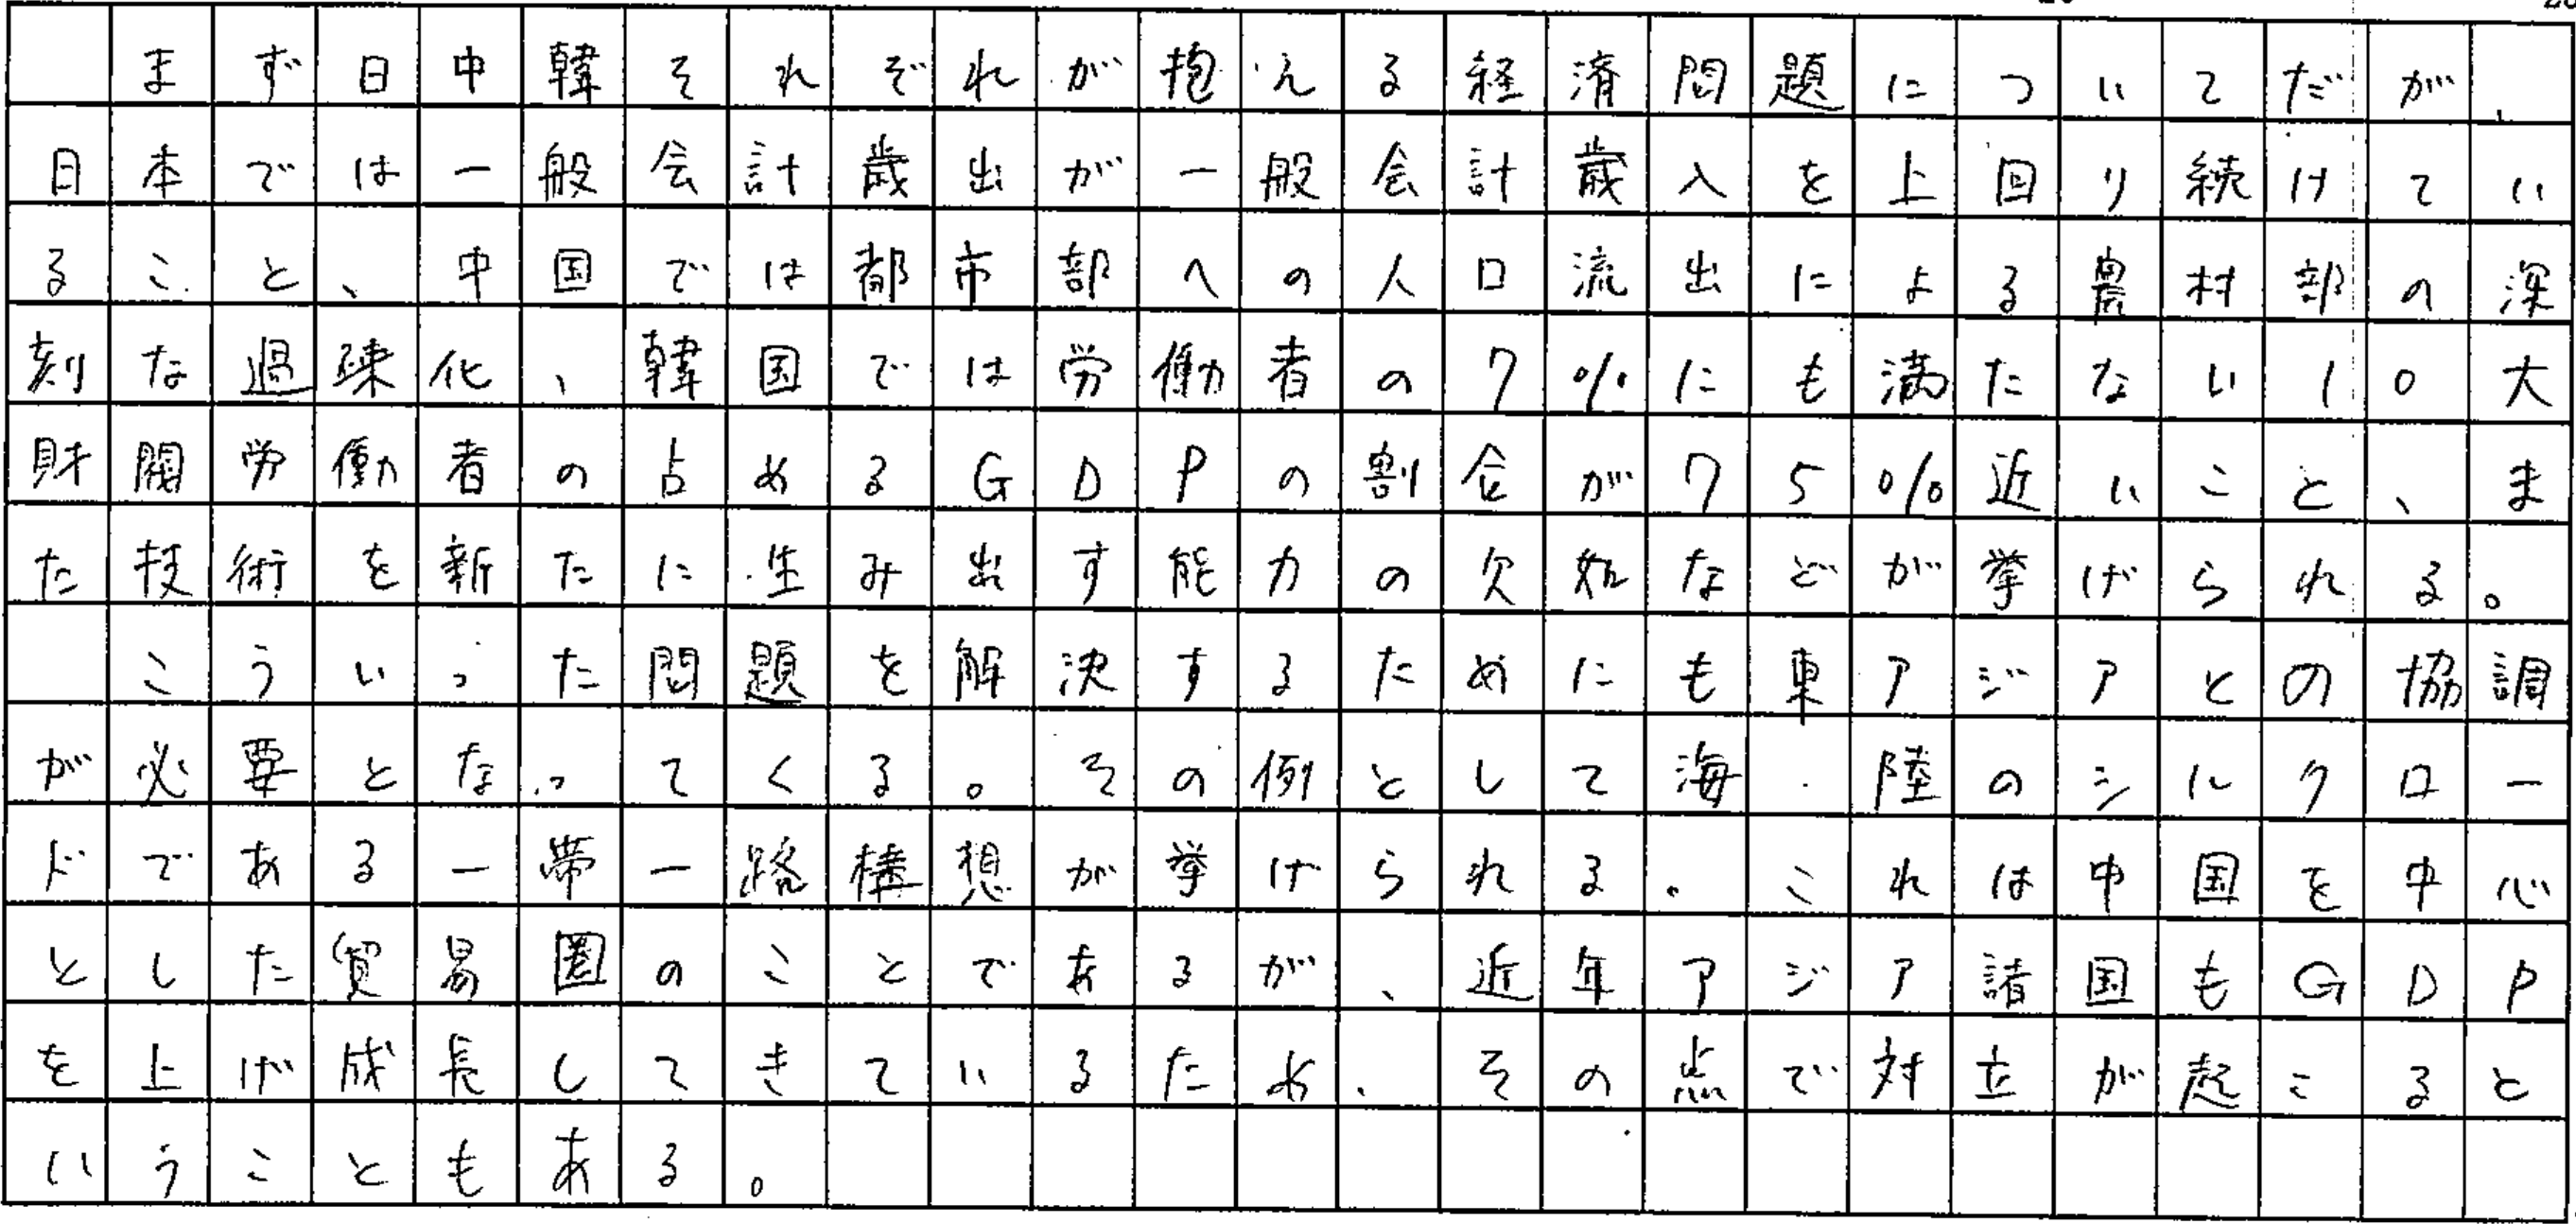　まず日中韓それぞれが抱える経済問題についてだが、日本では一般会計歳出が一般会計歳入を上回り続けていること、中国では都市部への人口流出による農村部の深刻な過疎化、韓国では労働者の７％にも満たない１０大財閥労働者の占めるＧＤＰの割合が７５％近いこと、また技術を新たに生み出す能力の欠如などが挙げられる
　こういった問題を解決するためにも東アジアとの協調が必要となってくる。その例として海・陸のシルクロードである一帯一路構想が挙げられる。これは中国を中心とした貿易圏のことであるが、近年アジア諸国もＧＤＰを上げ成長してきているため、その点で対立が起こるということもある。
